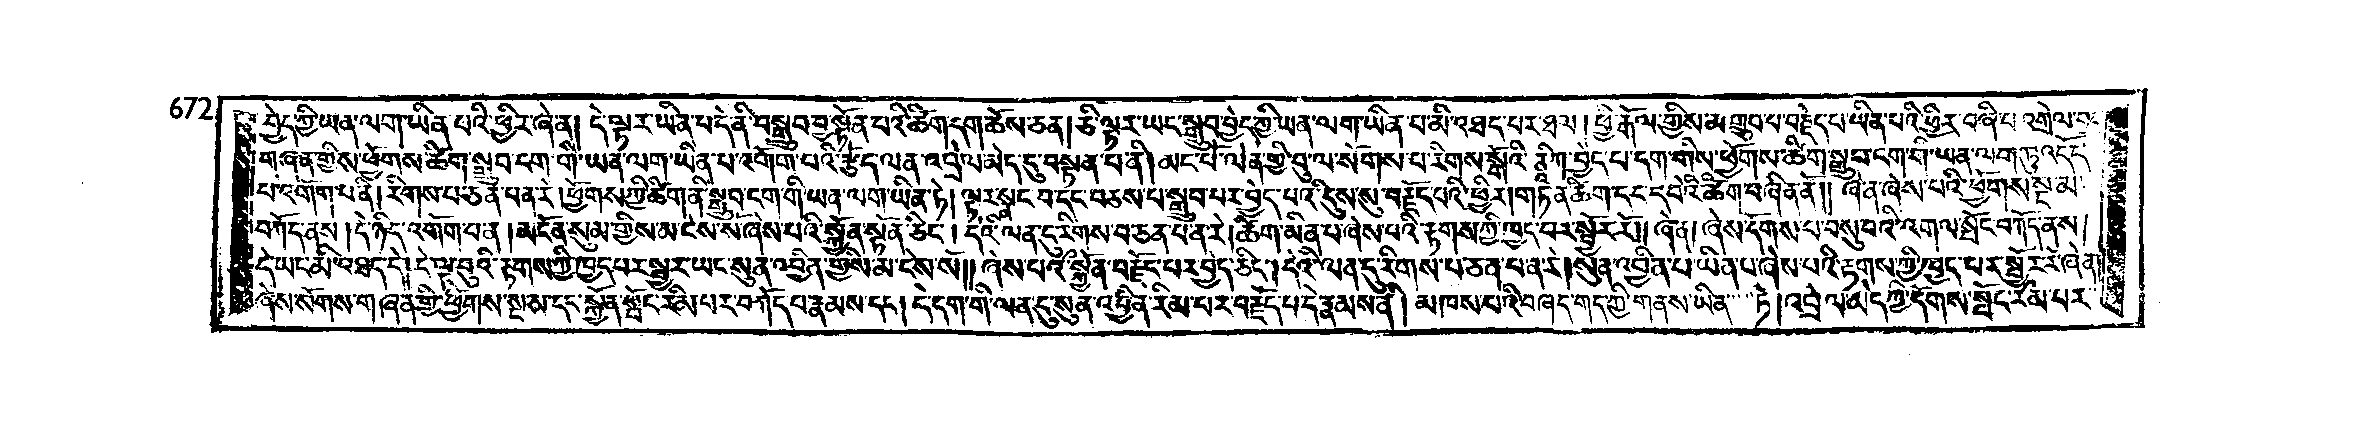བྱེད་ཀྱི་ཡན་ལག་ཡིན་པའི་ཕྱིར་ཞེ་ན། དེ་ལྟར་ཡིན་པ་དེ་ནི་བསྒྲུབ་བྱ་སྟོན་པའི་ཚིག་དག་ཆོས་ཅན། ཅི་ལྟར་ཡང་སྒྲུབ་བྱེད་ཀྱི་ཡན་ལག་ཡིན་པ་མི་འཐད་པར་ཐལ། ཕྱི་རྒོལ་གྱིས་མ་གྲུབ་པ་བརྗོད་པ་ཡིན་པའི་ཕྱིར་བཞི་པ་འགྲེལ་བྱད་
གཞན་གྱིས་ཕྱོགས་ཚིག་སྒྲུབ་ངག་གི་ཡན་ལག་ཡིན་པ་འགོག་པའི་རྩོད་ལན་འབྲེལ་མེད་དུ་བསྟན་པ་ནི། མང་པོ་ལེན་གྱི་བུ་ལ་སོགས་པ་རིགས་སྒོའི་ཊཱིཀ་བྱེད་པ་དག་གིས་ཕྱོགས་ཚིག་སྒྲུབ་ངག་གི་ཡན་ལག་ཏུ་འདོད་
པ་འགོག་པ་ནི། རིགས་པ་ཅན་པ་ན་རེ། ཕྱོགས་ཀྱི་ཚིག་ནི་སྒྲུབ་ངག་གི་ཡན་ལག་ཡིན་ཏེ། ལྟར་སྣང་བ་དང་བཅས་པ་སྒྲུབ་པར་བྱེད་པའི་དུས་སུ་བརྗོད་པའི་ཕྱིར། གཏན་ཚིག་དང་དཔེའི་ཚིག་བཞིན་ནོ། །ཞེ་ན་ཞེས་པའི་ཕྱོགས་སྔ་མ་
བཀོད་ནས། དེ་ཉིད་འགོག་པ་ན། མངོན་སུམ་གྱིས་མ་ངེས་སོ་ཞེས་པའི་སྐྱོན་སྟོན་ཅིང་། དེའི་ལན་དུ་རིགས་པ་ཅན་པ་ན་རེ། ཚིག་མིན་པ་ཞེས་པའི་རྟགས་ཀྱི་ཁྱད་པར་སྦྱོར་རོ། །ཞེ་ན། ཞེས་དོགས་པ་བསུ་བའི་འགལ་སྤོང་བཀོད་ནས།
དེ་ཡང་མི་འཐད་དེ། དེ་ལྟ་བུའི་རྟགས་ཀྱི་ཁྱད་པར་སྦྱར་ཡང་སུན་འབྱིན་གྱིས་མ་ངེས་སོ། །ཞེས་པའི་སྐྱོན་བརྗོད་པར་བྱེད་ཅིང་། དེའི་ལན་དུ་རིགས་པ་ཅན་པ་ན་རེ། སུན་འབྱིན་པ་ཡིན་པ་ཞེས་པའི་རྟགས་ཀྱི་ཁྱད་པར་སྦྱོར་རོ་ཞེ་ན།
ཞེས་སོགས་གཞན་གྱི་ཕྱོགས་སྔ་མ་དང་སྐྱོན་སྤོང་རིམ་པར་བཀོད་པ་རྣམས་དང་། དེ་དག་གི་ལན་དུ་སུན་འབྱིན་རིམ་པར་བརྗོད་པ་དེ་རྣམས་ནི། མཁས་པའི་བཞད་གད་ཀྱི་གནས་ཡིན་ཏེ། འབྲེལ་མེད་ཀྱི་དོགས་སྤོང་རིམ་པར་